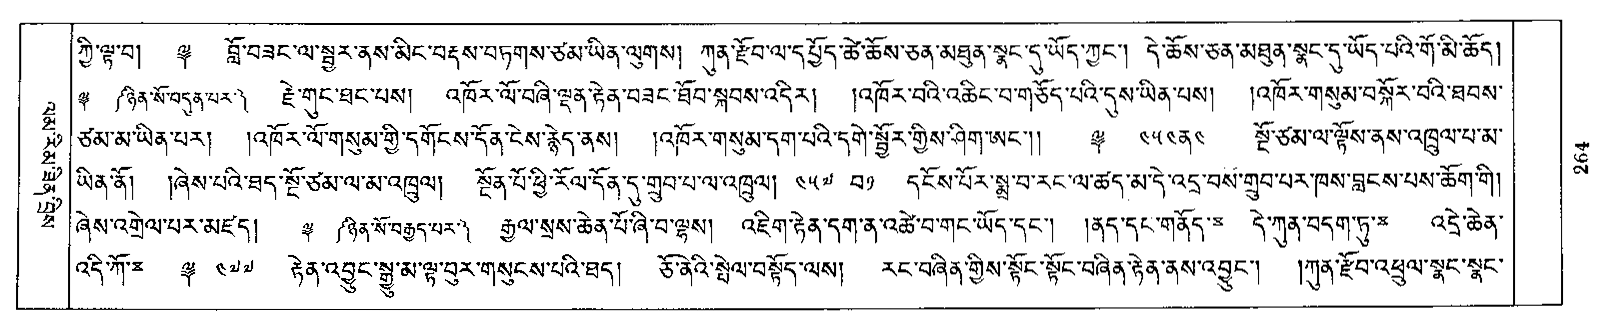ཀྱི་ལྟ་བ། ༈ བློ་བཟང་ལ་སྦྱར་ནས་མིང་བརྡས་བཏགས་ཙམ་ཡིན་ལུགས། ཀུན་རྫོབ་ལ་དཔྱོད་ཚེ་ཆོས་ཅན་མཐུན་སྣང་དུ་ཡོད་ཀྱང་། དེ་ཆོས་ཅན་མཐུན་སྣང་དུ་ཡོད་པའི་གོ་མི་ཆོད།
༈ ཉིན་སོ་བདུན་པར྄་རྗེ་གུང་ཐང་པས། འཁོར་ལོ་བཞི་ལྡན་རྟེན་བཟང་ཐོབ་སྐབས་འདིར། །འཁོར་བའི་འཆིང་བ་གཅོད་པའི་དུས་ཡིན་པས། །འཁོར་གསུམ་བསྐོར་བའི་ཐབས་
ཙམ་མ་ཡིན་པར། །འཁོར་ལོ་གསུམ་གྱི་དགོངས་དོན་ངེས་རྙེད་ནས། །འཁོར་གསུམ་དག་པའི་དགེ་སྦྱོར་གྱིས་ཤིག་ཨང།། ༈ ༤༥༤་ན ༤་སྔོ་ཙམ་ལ་ལྟོས་ནས་འཁྲུལ་པ་མ་
ཡིན་ནོ། །ཞེས་པའི་ཐད་སྔོ་ཙམ་ལ་མ་འཁྲུལ། སྔོན་པོ་ཕྱི་རོལ་དོན་དུ་གྲུབ་པ་ལ་འཁྲུལ། ༤༥༧་བ ༡་དངོས་པོར་སྨྲ་བ་རང་ལ་ཚད་མ་དེ་འདྲ་བས་གྲུབ་པར་ཁས་བླངས་པས་ཆོག་གི།
ཞེས་འགྲེལ་པར་མཛད། ༈ ཉིན་སོ་བརྒྱད་པར྄་རྒྱལ་སྲས་ཆེན་པོ་ཞི་བ་ལྷས། འཇིག་རྟེན་དག་ན་འཚེ་བ་གང་ཡོད་དང་། །ནད་དང་གནོད་྾་དེ་ཀུན་བདག་ཏུ་྾་འདྲེ་ཆེན་
འདི་ཀོ་྾་༈ ༤༧༧་རྟེན་འབྱུང་སྒྱུ་མ་ལྟ་བུར་གསུངས་པའི་ཐད། ཅོ་ནེའི་སྤེལ་བསྟོད་ལས། རང་བཞིན་གྱིས་སྟོང་སྟོང་བཞིན་རྟེན་ནས་འབྱུང་། །ཀུན་རྫོབ་འཕྲུལ་སྣང་སྣང་